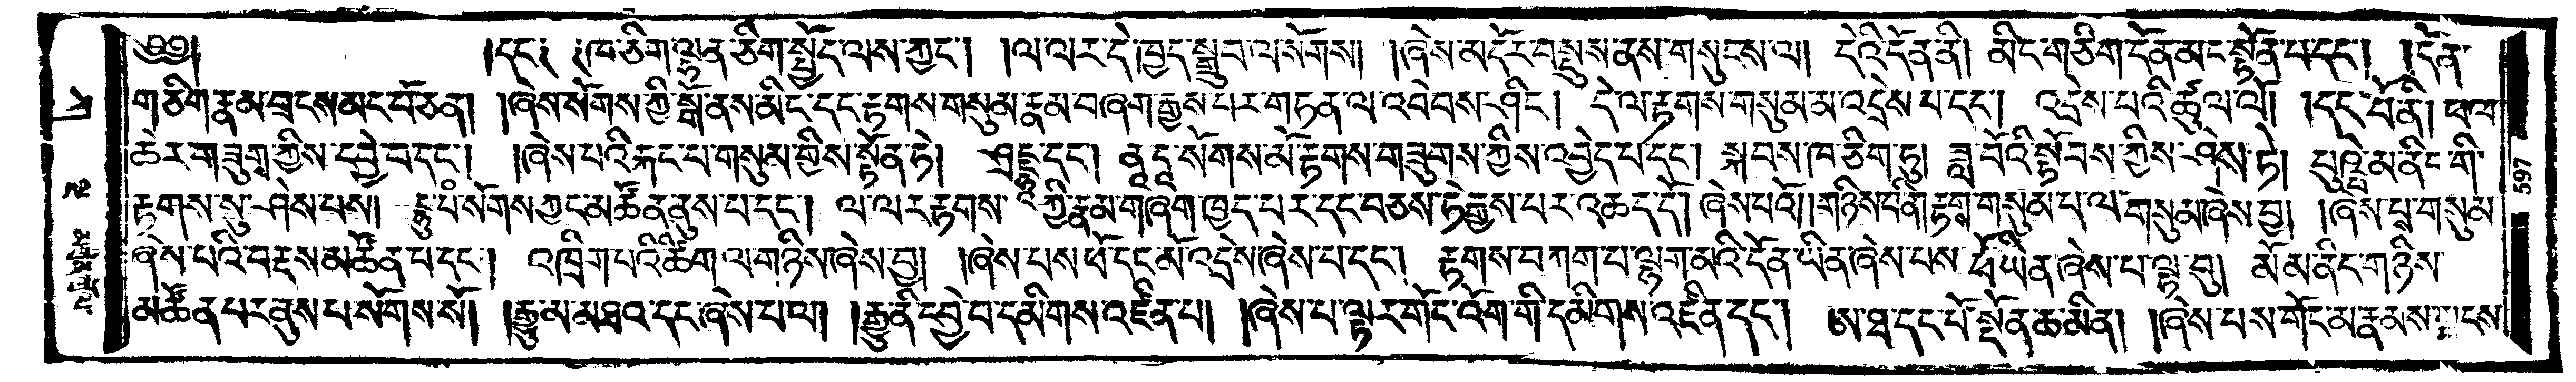༄༅། །དང་། །ཁ་ཅིག་ལྷན་ཅིག་སྤྱོད་ལས་ཀྱང་། །ལ་ལར་དེ་ཁྱད་སྒྲུབ་ལ་སོགས། །ཞེས་མདོར་བསྡུས་ནས་གསུངས་ལ། དེའི་དོན་ནི། མིང་གཅིག་དོན་མང་སྟོན་པ་དང་། །དོན་
གཅིག་རྣམ་བྲངས་མང་པོ་ཅན། །ཞེས་སོགས་ཀྱི་སྒོ་ནས་མིང་དང་རྟགས་གསུམ་རྣམ་བཞག་རྒྱས་པར་གཏན་ལ་འབེབས་ཤིང་། དེ་ལ་རྟགས་གསུམ་མ་འདྲེས་པ་དང་། འདྲེས་པའི་ཚུལ་ལོ། །དང་པོ་ནི། ཕལ་
ཆེར་གཟུགས་ཀྱིས་དབྱེ་བ་དང་། །ཞེས་པའི་རྐང་པ་གསུམ་གྱིས་སྟོན་ཏེ། ཤྲདྡྷཱ་དང་། ནཱ་དཱ་སོགས་མོ་རྟགས་གཟུགས་ཀྱིས་འབྱེད་པ་དང་། སྐབས་ཁ་ཅིག་ཏུ། ཟླ་བོའི་སྟོབས་ཀྱིས་ཤེས་ཏེ། བུཥྤེ་མ་ནིང་གི་
རྟགས་སུ་ཤེས་པས། དྷུ་པཾ་སོགས་ཀྱང་མཚོན་ནུས་པ་དང་། ལ་ལར་རྟགས་ཀྱི་རྣམ་གཞིག་ཁྱད་པར་དང་བཅས་ཏེ་རྒྱས་པར་འཆད་དོ། ཞེས་པའོ། །གཉིས་པ་ནི། རྟགས་གསུམ་པ་ལ་གསུམ་ཞེས་བྱ། །ཞེས་པས་གསུམ་
ཞེས་པའི་བརྡས་མཚོན་པ་དང་། འཁྲིག་པའི་ཚིག་ལ་གཉིས་ཞེས་བྱ། །ཞེས་པས་ཕོ་དང་མོ་འདྲེས་ཞེས་པ་དང་། རྟགས་བཀག་པ་ལྷག་མའི་དོན་ཡིན་ཞེས་པས་ཕོ་ཡིན་ཞེས་པ་ལྟ་བུ། མོ་མ་ནིང་གཉིས་
མཚོན་པར་ནུས་པ་སོགས་སོ། །རྒྱུ་མ་མཐའ་དང་ཞེས་པ་ལ། །རྒྱུ་ནི་བྱེ་བ་དམིགས་འཛིན་པ། །ཞེས་པ་ལྟར་གོང་འོག་གི་དམིགས་འཛིན་དང་། ཨ་ཐ་དང་པོ་སྔོན་ཆ་མིན། །ཞེས་པས་གོང་མ་རྣམས་སྡངས?